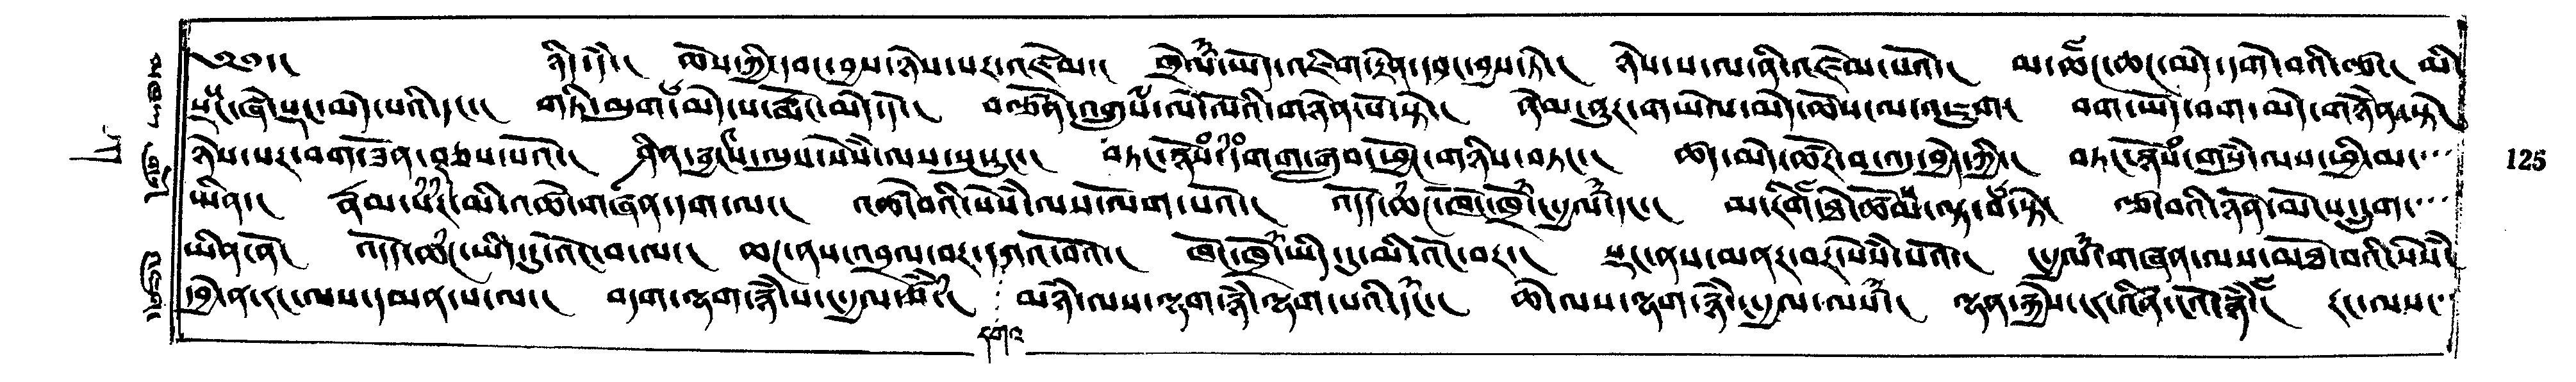ཉིད་དམ། །ཆོས་ཀྱིས་དབང་བྱས་ཉེས་པར་འཛེམ། །ཁྲེལ་ཡོད་འཇིག་རྟེན་དབང་བྱས་ཏེ། །ཉེས་པ་ལ་ནི་འཛེམ་པའོ། །མ་ཆགས་ཆགས་མེད་དགེ་བའི་རྩ། །མི་
སྡང་ཞེ་སྡང་མེད་པ་དང་། །གཏི་མུག་མེད་པ་རྨོངས་མེད་དོ། །བརྩོན་འགྲུས་ལེ་ལོའི་གཉེན་པོ་སྟེ། །ནེམ་ནུར་གཡེལ་མེད་ཆོས་ལ་འཇུག །བག་ཡོད་བག་མེད་གཉེན་པོ་སྟེ། །
ཉེས་པར་བག་ཟོན་བཅས་པའོ། །ཤིན་སྦྱངས་ལུས་སེམས་ལས་སུ་རུང་། །བཏང་སྙོམས་དགག་སྒྲུབ་ཕྱོགས་གཉིས་བཏང་། །ཚད་མེད་ཚོར་བ་འདུ་བྱེད་ཀྱི། །བཏང་སྙོམས་གསུམ་ལས་ཕྱི་མ་
ཡིན། །རྣམ་པར་མི་འཚེ་གཞན་དག་ལ། །འཚེ་བའི་སེམས་ལས་ལོག་པའོ། །འདོད་ཆགས་ཁོང་ཁྲོ་ང་རྒྱལ་དང་། །མ་རིག་ཐེ་ཚོམ་ལྟ་བ་སྟེ། །རྩ་བའི་ཉོན་མོངས་དྲུག་
ཡིན་ནོ། །འདོད་ཆགས་ཡིད་དུ་འོང་བ་ལ། །ཆགས་ནས་འབྲལ་བར་དཀའ་བའོ། །ཁོང་ཁྲོ་ཡིད་དུ་མི་འོང་བར། །སྡང་ནས་མནར་བར་སེམས་པའོ། །ང་རྒྱལ་གཞན་ལས་མཐོ་བའི་སེམས། །
དབྱེ་ན་རང་ལས་དམན་པ་ལ། །བདག་ལྷག་སྙམ་པའི་ང་རྒྱལ་རྩམ། །མཉམ་ལས་ལྷག་སྙམ་ལྷག་པའི་དང་། །ཆེ་ལས་ལྷག་སྙམ་ང་རྒྱལ་ལས། །ལྷན་སྐྱེས་ངར་འཛིན་ངའོ་སྙམ། །རང་ལས་